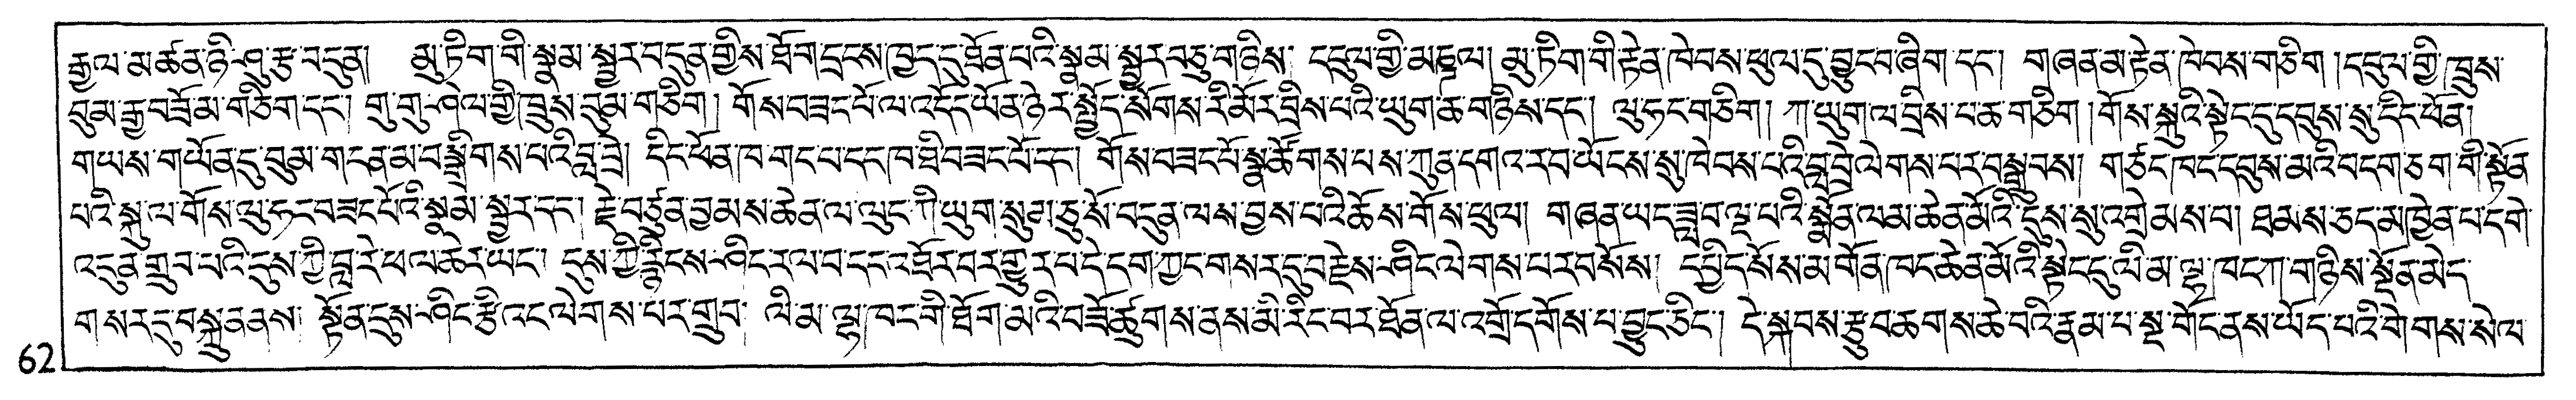དབང་ལྡན་དུ་རྡོ་རྗེའི་སྐུ་དང་ཤིང་གྲིབ་མ་རྣམས་སྐུ་མདོག་སྔོན་པོ། གསུང་འཁོར་གྱི་ཤར་ནས་གཡོན་བསྐོར་དང་། མེ་ནས་གཡས་བསྐོར་དུ་རིམ་པ་བཞིན། མྱུ་གུ་ཅན་དང་ས་སྲུང་མ། རྡོ་རྗེ་རལ་པ་ཅན་དང་འཇིགས་བྱེད་ཆེན་མོ། དཔའ་བོ་
ཆེན་པོ་དང་རླུང་གི་ཤུགས་ཅན་མ། རྡོ་རྗེ་ཧཱུཾ་མཛད་དང་ཆང་འཐུང་མ། རྡོ་རྗེ་བཟང་པོ་དང་སྔོ་བསངས་ལྷ་མོ། རྡོ་རྗེ་འོད་དང་ཤིན་ཏུ་བཟང་མོ། འཇིགས་བྱེད་ཆེན་པོ་དང་རྟ་རྣ་མོ། མིག་མི་བཟང་དང་བྱ་གདོང་མ་རྣམས་སྐུ་མདོག་དམར་
པོ། སྐུ་འཁོར་ལ་ཤར་ནས་ཕྱོགས་གཡོན་བསྐོར་དང་། མེ་ནས་མཚམས་གཡས་བསྐོར་དུ་རིམ་བཞིན། སྟོབས་པོ་ཆེ་དང་འཁོར་ལོའི་ཤུགས་ཅན་མ། རིན་ཆེན་རྡོ་རྗེ་དང་དུམ་སྐྱེས་མ། རྟ་མགྲིན་དང་ཆང་འཚོང་མ། ནམ་
མཁའི་སྙིང་པོ་དང་འཁོར་ལོའི་གོ་ཆ་མ། དཔལ་ཧེ་རུ་ཀ་དང་ཤིན་ཏུ་བཟང་མོ། པདམ་གར་གྱི་དབང་ཕྱུག་དང་སྟོབས་ཆེན་མོ། རྣམ་པར་སྣང་མཛད་དང་འཁོར་ལོས་བསྒྱུར་མ། རྡོ་རྗེ་སེམས་དཔའ་དང་བརྩོན་འགྲུས་ཆེན་མོ་རྣམས་སྐུ་མདོག་
དཀར་པོ། དཔའ་བོ་ཉེར་བཞི་པོ་ཐམས་ཅད་ཀྱང་ཞལ་གཅིག་པ་མཆེ་བ་གཙིགས་ཤིང་སྤྱན་གསུམ་པ། རལ་པའི་ཐོར་ཚུགས་ཅན་དཔྲལ་བར་རྡོ་རྗེའི་ཕྲེང་བ་དང་། དཔའ་བོའི་དར་དབྱངས་ཅན། ཕྱག་བཞིའི་དང་པོ་གཉིས་ཀྱིས་རྡོར་དྲིལ་
བཟུང་ནས་ཡུམ་ལ་འཁྱུད་ཅིང་། གཡས་འོག་མས་ཌཱ་མ་རུ་དང་། གཡོན་འོག་མས་ཁ་ཊྭཱཾ་ག་འཛིན་པ། རུས་པའི་རྒྱན་དྲུག་གིས་བརྒྱན་ཅིང་གཡས་བརྐྱངས་ཀྱིས་བཞུགས་པ། དཔའ་མོ་ཉེར་བཞི་པོ་ཐམས་ཅད་ཀྱང་ཞལ་གཅིག་སྤྱན་